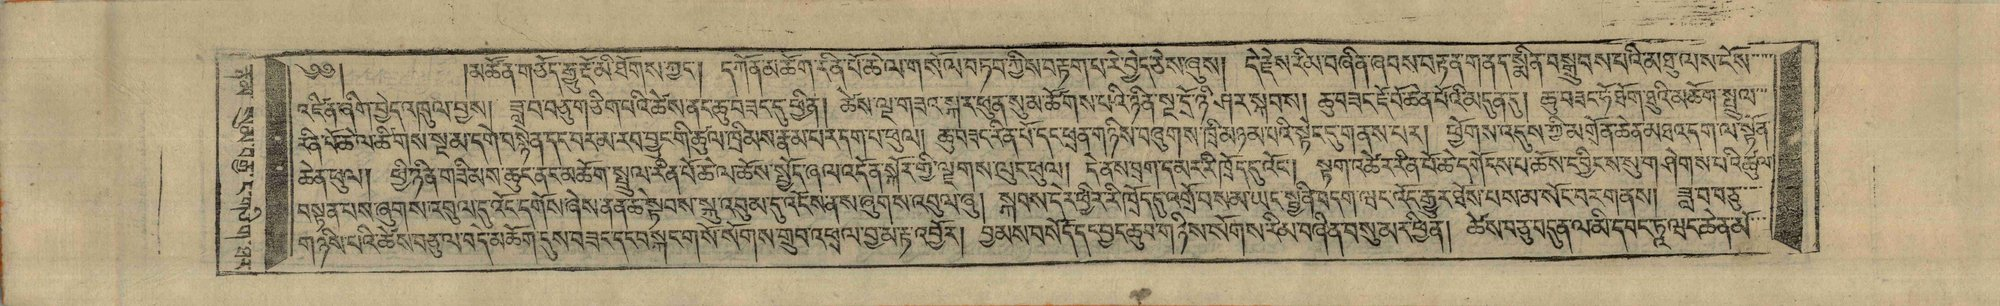༄༅། །མཚོན་གཅོད་རྒྱུ་རྔོ་མི་ཐོགས་ཀྱང་། དཀོན་མཆོག་རིན་པོ་ཆེ་ལ་གསོལ་བཏབ་ཀྱིས་བརྟག་པ་རེ་བྱེད་ཅེས་ཞུས། དེ་རྗེས་རིམ་བཞིན་ཞབས་བརྟན་གནད་སྨིན་བསྒྲུབས་པའི་མཐུ་ལས་ངོས་
འཛིན་ཞིག་བྱེད་འཁུལ་བྱས། ཟླ་བ་བཅུ་གཅིག་བའི་ཚེས་ནང་ཆུ་བཟང་དུ་ཕྱིན། ཚེས་ལྔ་གཟའ་སྐར་ཕུན་སུམ་ཚོགས་པའི་ཉིན་སྔ་དྲོ་ཉི་ཤར་སྐབས། ཆུ་བཟང་ཇོ་བོ་ཆེན་པོའི་མདུན་དུ། ཆུ་བཟང་ཧོ་ཐོག་ཐུའི་མཆོག་སྤྲུལ་
རིན་པོ་ཆེ་ལ་ཚིགས་སྔ་མ་དགེ་བསྙེན་དང་བར་མ་རབ་བྱུང་གི་ཚུལ་ཁྲིམས་རྣམ་པར་དག་པ་ཕུལ། ཆུ་བཟང་རིན་པོ་དང་ཕྲན་གཉིས་བཞུགས་ཁྲི་མཉམ་པའི་སྟེང་དུ་གནས་པར། ཕྱོགས་འདུས་ཀྱི་མགྲོན་ཆེན་མཐའ་དག་ལ་སྟོན་
ཆེན་ཕུལ། ཕྱི་ཉིན་གཟིམས་ཆུང་ནང་མཆོག་སྤྲུལ་རིན་པོ་ཆེ་ལ་ཆོས་སྤྱོད་ཞལ་འདོན་སྐོར་གྱི་ལྗགས་ལུང་ཕུལ། དེ་ནས་བྲག་དམར་རི་ཁྲོད་དུ་འོང་། སྟག་འཚེར་རིན་པོ་ཆེ་དགོངས་པ་ཆོས་དབྱིངས་སུ་གཤེགས་པའི་ཚུལ་
བསྟན་པས་ཞུགས་འབུལ་དུ་འོང་དགོས་ཞེས་ནན་ཆེ་སྟབས་སྐུ་འབུམ་དུ་འོངས་ནས་ཞུགས་འབུལ་ཞུ། སྐབས་དེར་ཕྱིར་རི་ཁྲོད་དུ་འགྲོ་བསམ་ཡང་སྦྱིན་བདག་ཝང་འོང་རྒྱུར་ཐོས་བསམ་སོང་བར་གནས། ཟླ་བ་བཅུ་
གཉིས་པའི་ཚེས་བཅུ་ལ་བདེ་མཆོག་དུས་བཟང་དང་བསྐང་གསོ་སོགས་གྲུབ་འཕྲལ་བྱ་མ་རྟ་འབྱོར། བྱམས་བསོད་དང་བྱང་ཆུབ་གཉིས་སོགས་རིམ་བཞིན་བསུ་མར་ཕྱིན། ཚེས་བཅུ་བདུན་ལ་མི་དབང་ཏཱ་ཝང་ཆེན་མོ་